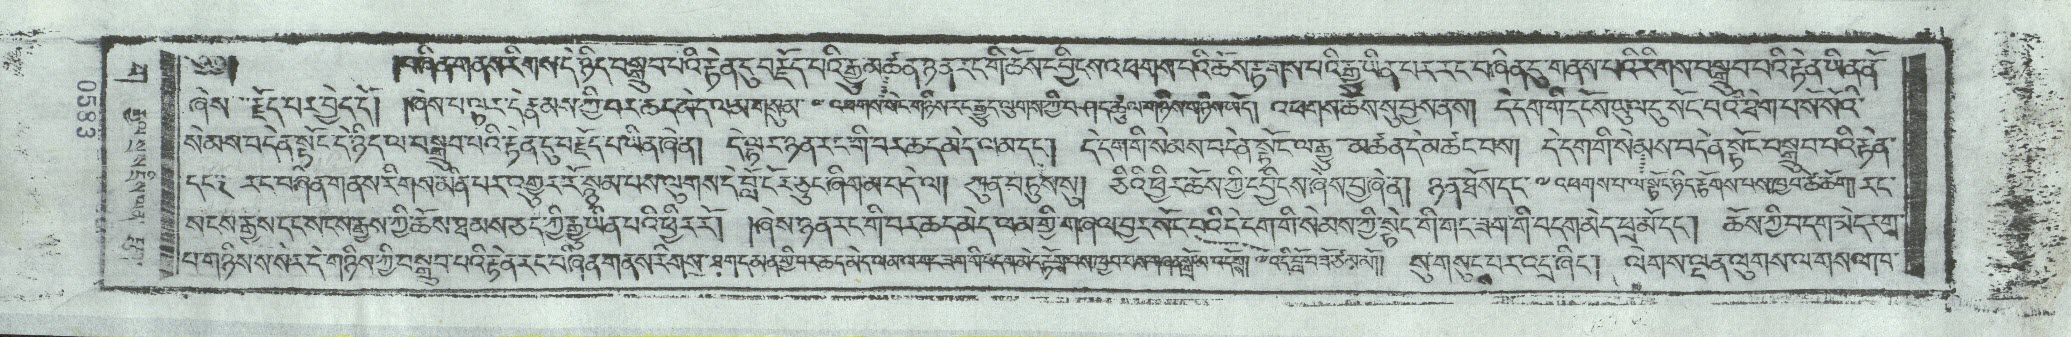༄༅། །བཞིན་གནས་རིགས་དེ་ཉིད་བསྒྲུབ་པའི་རྟེན་དུ་བརྗོད་པའི་རྒྱུ་མཚན་ཉན་རང་གི་ཆོས་དབྱིངས་འཕགས་པའི་ཆོས་རྟགས་པའི་རྒྱུ་ཡིན་པར་རང་བཞིན་དུ་གནས་པའི་རིགས་བསྒྲུབ་པའི་རྟེན་ཡིན་ནོ་
ཞེས་རྗོད་པར་བྱེད་དོ། །ཞེས་པ་ལྟར་དེ་རྣམས་ཀྱི་བར་ཆད་མེད་ལམ་གསུམ་༧འཕགས་སེང་གཉིས་རང་རྒྱུད་ལུགས་ཀྱི་བཤད་ཚུལ་གཉིས་གཉིས་ཡོད།  འཕགས་ཆོས་སུ་བྱས་ནས། དེ་དག་གི་དངོས་ཡུལ་དུ་སོང་བའི་ཐེག་པ་སོ་སོའི་
སེམས་བདེན་སྟོང་དེ་ཉིད་ལ་བསྒྲུབ་པའི་རྟེན་དུ་བརྗོད་པ་ཡིན་ཞེ་ན། དེ་ལྟར་ཉན་རང་གི་བར་ཆད་མེད་ལམ་དང་། དེ་དག་གི་སེམས་བདེན་སྟོང་ལ་རྒྱུ་མཚན་དེ་མ་ཚང་པས། དེ་དག་གི་སེམས་བདེན་སྟོང་བསྒྲུབ་པའི་རྟེན་
དང༑ རང་བཞིན་གནས་རིགས་མིན་པར་འགྱུར་རོ་སྙམ་པས་ལུགས་དེ་བློ་ངོར་ཅུང་ཞིག་མ་བདེ་ལ། ཀུན་བཏུས་སུ། ཅིའི་ཕྱིར་ཆོས་ཀྱི་དབྱིངས་ཞེས་བྱ་ཞེ་ན། ཉན་ཐོས་དང་༧འཕགས་པ་ལ་སྟོང་ཉིད་རྟོགས་པས་ཁྱབ་ཚེ་ཆོག།  རང་
སངས་རྒྱས་དང་སངས་རྒྱས་ཀྱི་ཆོས་ཐམས་ཅད་ཀྱི་རྒྱུ་ཡིན་པའི་ཕྱིར་རོ། །ཞེས་ཉན་རང་གི་བར་ཆད་མེད་ལམ་གྱི་གཞལ་བྱར་སོང་བའི་དེ་དག་གི་སེམས་ཀྱི་སྟེང་གི་གང་ཟག་གི་བདག་མེད་ཕྲ་མོ་དང་། ཆོས་ཀྱི་བདག་མེད་རགས་
པ་གཉིས་སོ་སོར་དེ་གཉིས་ཀྱི་བསྒྲུབ་པའི་རྟེན་རང་བཞིན་གནས་རིགས་ཐེག་དམན་གྱི་བར་ཆད་མེད་ལམ་ལ་གང་ཟག་གི་བདག་མེད་རྟོགས་པས་ཁྱབ་པས་གཞན་སྒྲོ་མ་འདོགས། ༧འདི་བློ་བཟོ་ཙམ་མོ།  སུ་གསུང་པར་འདྲ་ཞིང་། ལེགས་ལྡན་ལུགས་ལ་གསལ་ཁ་